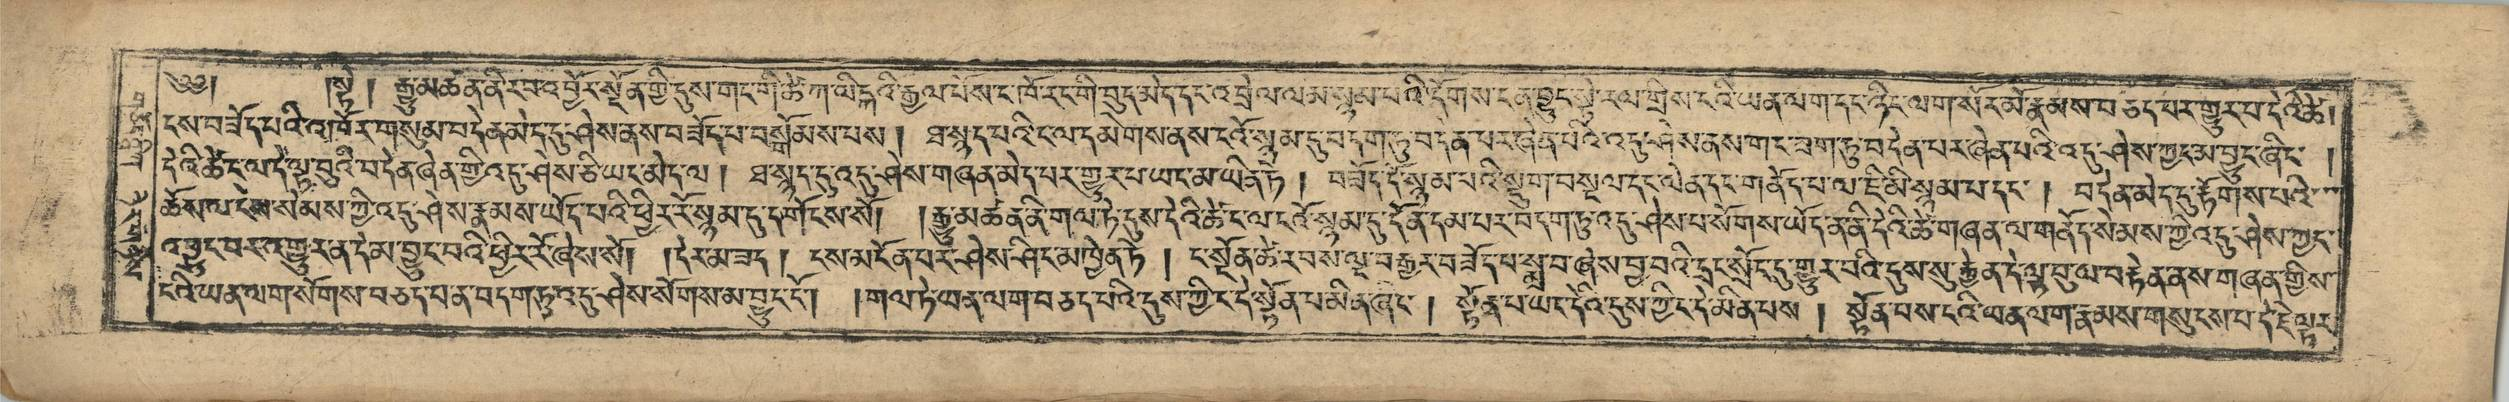༄༅། །སྟེ། རྒྱུ་མཚན་ནི་རབ་འབྱོར་སྔོན་གྱི་དུས་གང་གི་ཚེ་ཀ་ལིངྐའི་རྒྱལ་པོས་ང་ཁོ་རང་གི་བུད་མེད་དང་འབྲེལ་ལམ་སྙམ་པའི་དོགས་ངན་བྱུང་སྟེ་རལ་གྲིས་ངའི་ཡན་ལག་དང་ཉིང་ལག་སོར་མོ་རྣམས་བཅད་པར་གྱུར་པ་དེའི་ཚེ།
ངས་བཟོད་པའི་འཁོར་གསུམ་བདེན་མེད་དུ་ཤེས་ནས་བཟོད་པ་བསྒོམས་པས། ཐ་སྙད་པའི་ང་ལ་དམིགས་ནས་ངའོ་སྙམ་དུ་བདག་ཏུ་བདེན་པར་ཞེན་པའི་འདུ་ཤེས་ནས་གང་ཟག་ཏུ་བདེན་པར་ཞེན་པའི་འདུ་ཤེས་ཀྱང་མ་བྱུང་ཞིང་།
དེའི་ཚེ་ང་ལ་དེ་ལྟ་བུའི་བདེན་ཞེན་གྱི་འདུ་ཤེས་ཅི་ཡང་མེད་ལ། ཐ་སྙད་དུ་འདུ་ཤེས་གཞན་མེད་པར་གྱུར་པ་ཡང་མ་ཡིན་ཏེ། བཟོད་དོ་སྙམ་པའི་སྡུག་བསྔལ་དང་ལེན་དང་གནོད་པ་ལ་ཇི་མི་སྙམ་པ་དང་། བདེན་མེད་དུ་རྟོགས་པའི་
ཆོས་ལ་ངེས་སེམས་ཀྱི་འདུ་ཤེས་རྣམས་ཡོད་པའི་ཕྱིར་རོ་སྙམ་དུ་དགོངས་སོ། །རྒྱུ་མཚན་ནི་གལ་ཏེ་དུས་དེའི་ཚེ་ང་ལ་ངའོ་སྙམ་དུ་དོན་དམ་པར་བདག་ཏུ་འདུ་ཤེས་པ་སོགས་ཡོད་ན་ནི་དེའི་ཚེ་གཞན་ལ་གནོད་སེམས་ཀྱི་འདུ་ཤེས་ཀྱང་
འབྱུང་བར་འགྱུར་ན་དེ་མ་བྱུང་བའི་ཕྱིར་རོ་ཞེས་སོ། །དེར་མ་ཟད། ངས་མངོན་པར་ཤེས་ཤིང་མཁྱེན་ཏེ། ང་སྔོན་ཚེ་རབས་ལྔ་བརྒྱར་བཟོད་པ་སྨྲ་བ་ཞེས་བྱ་བའི་དྲང་སྲོང་དུ་གྱུར་པའི་དུས་སུ་རྐྱེན་དེ་ལྟ་བུ་ལ་བརྟེན་ནས་གཞན་གྱིས་
ངའི་ཡན་ལག་སོགས་བཅད་པ་ན་བདག་ཏུ་འདུ་ཤེས་སོགས་མ་བྱུང་ངོ། །གལ་ཏེ་ཡན་ལག་བཅད་པའི་དུས་ཀྱི་ང་དེ་སྟོན་པ་མིན་ཞིང་། སྟོན་པ་ཡང་དེའི་དུས་ཀྱི་ང་དེ་མིན་པས། སྟོན་པས་ངའི་ཡན་ལག་རྣམས་གསུངས་པ་དེ་ཇི་ལྟར་